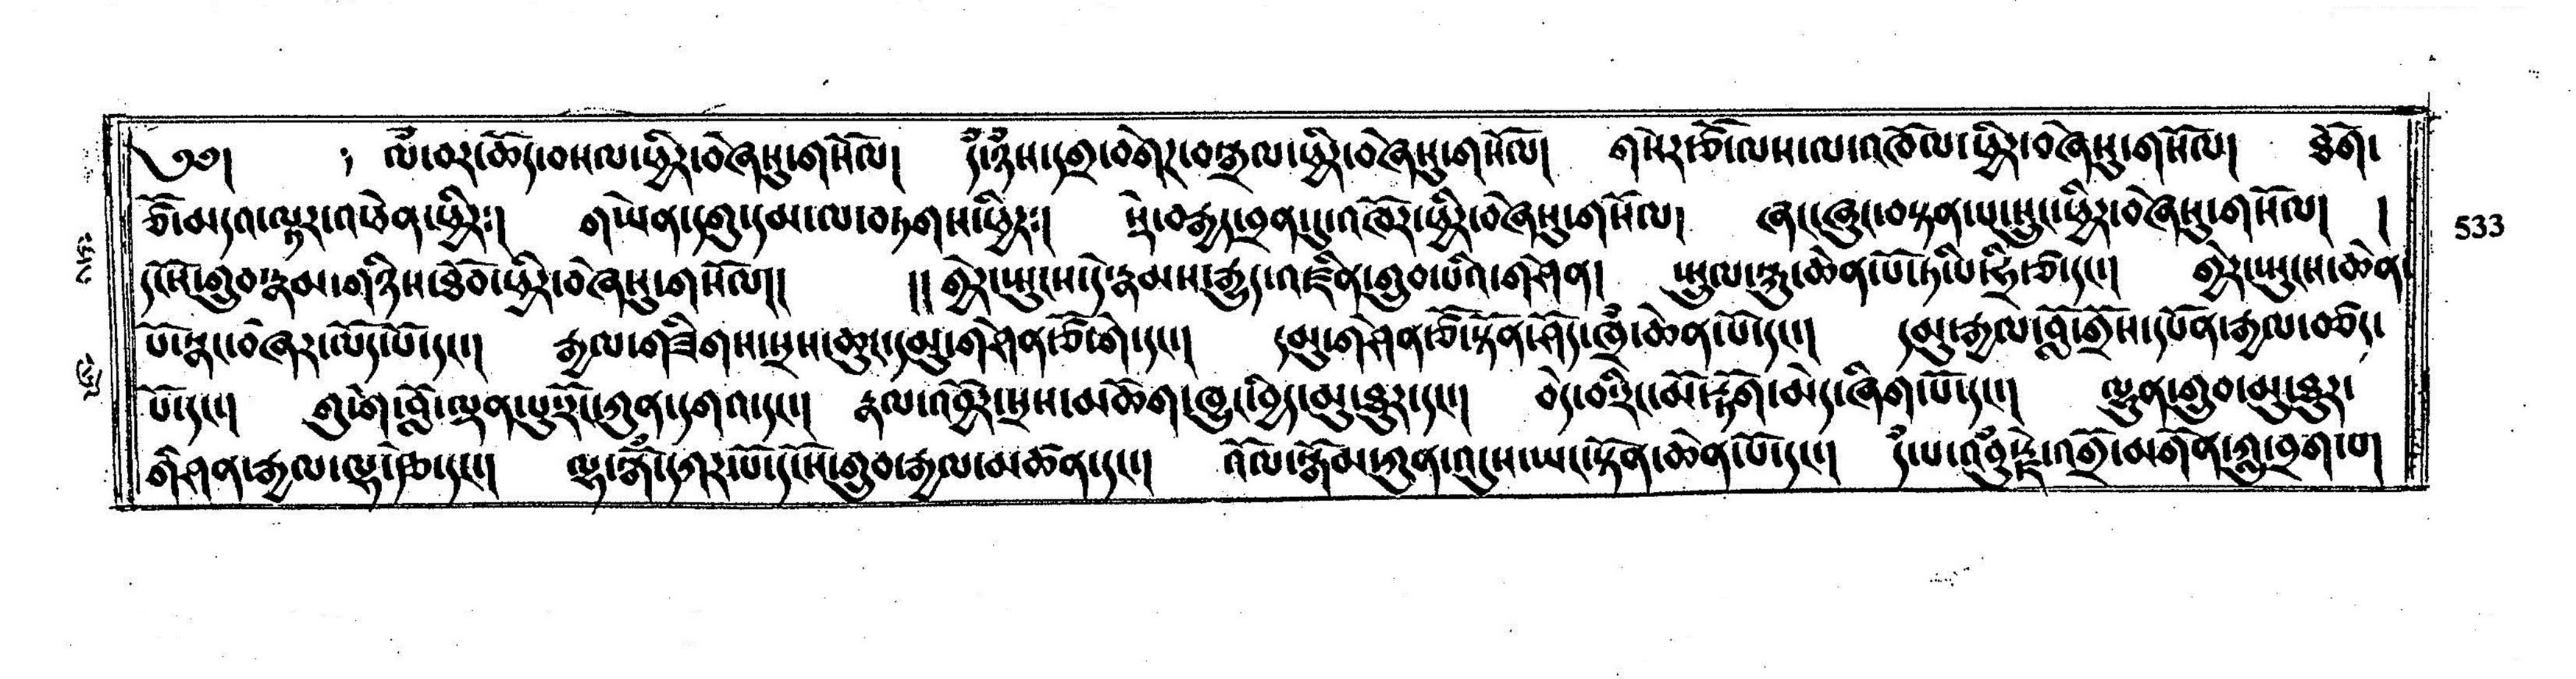ལམ་བར་ཆོད་བསལ་ཕྱིར་བཞེས་སུ་གསོལ། དམ་ཉམས་དགྲ་བགེགས་བསྒྲལ་ཕྱིར་བཞེས་སུ་གསོལ། གསེར་ཙོ་ལས་ལ་འཁོལ་ཕྱིར་བཞེས་སུ་གསོལ། ཐོག་
ཙོ་མདའ་ལྟར་འཕེན་ཕྱིར༴། གཡེན་དགུ་དམ་ལ་བཏགས་ཕྱིར༴། སྡེ་བརྒྱད་བྲན་དུ་འཁོར་ཕྱིར་བཞེས་སུ་གསོལ། ཞང་ཞུང་བསྟན་པ་སྲུང་ཕྱིར་བཞེས་སུ་གསོལ། 
དངོས་གྲུབ་རྣམ་གཉིས་ཐོབ་ཕྱིར་བཞེས་སུ་གསོལ།། །།གྱེར་སྤུངས་དེ་རྣམས་རྒྱུད་འཛིན་གྲུབ་པའི་གཤེན། སྤྲུལ་སྐུ་ཆེན་པོ་ཏ་པི་ཧྲི་ཙ་དང་། གྱེར་སྤུངས་ཆེན་
པོ་སྣང་བཞེར་ལོད་པོ་དང་། རྒྱལ་གཟིགས་སྲས་ཆུང་དམུ་གཤེན་ཙོ་གེ་དང་། དམུ་གཤེན་ཙོ་སྟོན་ཤོད་ཁྲམ་ཆེན་པོ་དང་། དམུ་རྒྱལ་བློ་གྲོས་དཔོན་རྒྱལ་བཙད་
པོ་དང་། གུ་གེ་བློ་ལྡན་པུ་རོང་ཀུན་དགའ་དང་། རྣལ་འབྱོར་སྲས་མཆོག་ཁྱུང་བྱིད་མུ་ཐུར་དང་། བདེ་བ་རིང་མོ་རྟོག་མེད་ཞིག་པོ་དང་། ལྷུན་གྲུབ་མུ་ཐུར་
གཤེན་རྒྱལ་ལྷ་རྩེ་དང་། ལྷ་སྒོམ་དཀར་པོ་དངོས་གྲུབ་རྒྱལ་མཚན་དང་། འོལ་སྒོམ་ཀུན་འདུས་ཡང་སྟོན་ཆེན་པོ་དང་། དམ་པ་འབུམ་རྗེ་འགྲོ་མགོན་ཀླུ་བྲག་པ།